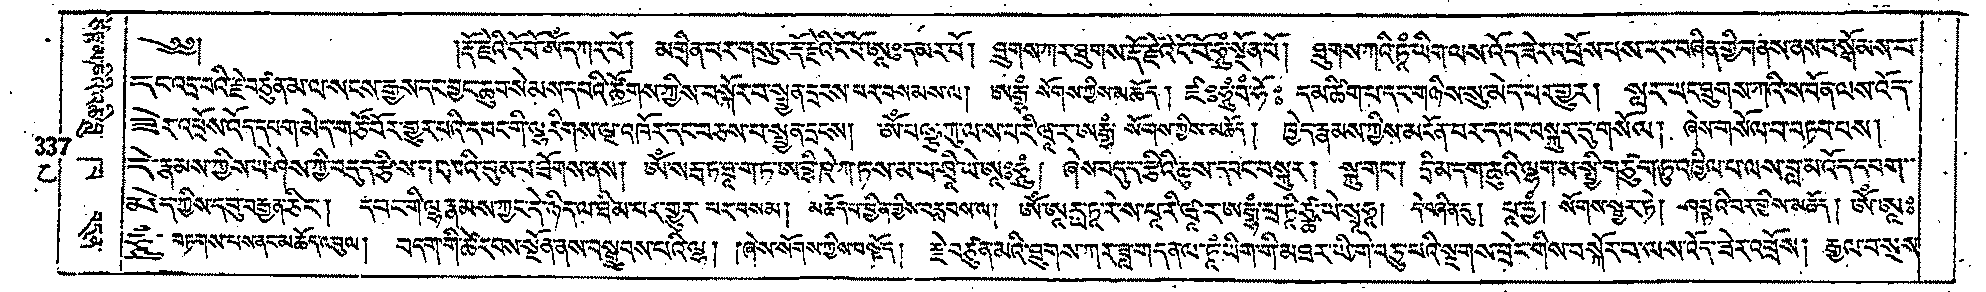༄༅། །རྡོ་རྗེའི་ངོ་བོ་ཨོཾ་དཀར་པོ། མགྲིན་པར་གསུང་རྡོ་རྗེའི་ངོ་བོ་ཨཱཿ དམར་པོ། ཐུགས་ཀར་ཐུགས་རྡོ་རྗེའི་ངོ་བོ་ཧཱུཾ་སྔོན་པོ། ཐུགས་ཀའི་ཏཱཾ་ཡིག་ལས་འོད་ཟེར་འཕྲོས་པས་རང་བཞིན་གྱི་གནས་ནས་བསྒོམས་པ་
དང་འདྲ་བའི་རྗེ་བཙུན་མ་ལ་སངས་རྒྱས་དང་བྱང་ཆུབ་སེམས་དཔའི་ཚོགས་ཀྱིས་བསྐོར་བ་སྤྱན་དྲངས་པར་བསམས་ལ། ཨརྒྷཾ་སོགས་ཀྱིས་མཆོད།  ཛཿ ཧཱུཾ་བཾ་ཧོཿ དམ་ཚིག་པ་དང་གཉིས་སུ་མེད་པར་གྱུར། སླར་ཡང་ཐུགས་ཀའི་ས་བོན་ལས་འོད་
ཟེར་འཕྲོས་འོད་དཔག་མེད་གཙོ་བོར་གྱུར་པའི་དབང་གི་ལྷ་རིགས་ལྔ་འཁོར་དང་བཅས་པ་སྤྱན་དྲངས། ཨོཾ་པཉྩ་ཀུ་ལ་ས་པ་རི་ཝཱ་ར་ཨརྒྷཾ་སོགས་ཀྱིས་མཆོད།  ཁྱེད་རྣམས་ཀྱིས་མངོན་པར་དབང་བསྐུར་དུ་གསོལ། ཞེས་གསོལ་བ་བཏབ་པས།
དེ་རྣམས་ཀྱིས་ཡེ་ཤེས་ཀྱི་བདུད་རྩིས་གབ་པའི་བུམ་པ་ཐོགས་ནས། ཨོཾ་སརྦ་ཏ་ཐཱ་ག་ཏ་ཨ་བྷི་ཥེ་ཀ་ཏ་ས་མ་ཡ་ཤྲཱི་ཡེ་ཨཱཿ ཧཱུཾ། ཞེས་བདུད་རྩིའི་ཆུས་དབང་བསྐུར། སྐུ་གང་། དྲི་མ་དག་ཆུའི་ལྷག་མ་སྤྱི་གཙུག་ཏུ་འཁྱིལ་པ་ལས་བླ་མ་འོད་དཔག་་་
མེད་ཀྱིས་དབུ་བརྒྱན་ཅིང་། དབང་གི་ལྷ་རྣམས་ཀྱང་དེ་ཉིད་ལ་ཐིམ་པར་གྱུར་པར་བསམ། མཆོད་པ་བྱིན་གྱིས་བརླབས་ལ།  ཨོཾ་ཨཱ་རྱ་ཏཱ་རེ་ས་པཱ་རི་ཝཱ་ར་ཨརྒྷཾ་པྲ་ཏཱི་ཙྪ་ཡེ་སྭཱ་ཧཱ། དེ་བཞིན་དུ།  པཱ་དྱཾ། སོགས་སྦྱར་ཏེ། ཤཔྟའི་བར་གྱིས་མཆོད། ཨོམ་ཨཱཿ
ཧཱུཾ་བཏགས་པས་ནང་མཆོད་འབུལ། བདག་གི་ཚེ་རབས་སྔོན་ནས་བསྒྲུབས་པའི་ལྷ། །ཞེས་སོགས་ཀྱིས་བསྟོད། རྗེ་བཙུན་མའི་ཐུགས་ཀར་ཟླ་གདན་ལ་ཏཱཾ་ཡིག་གི་མཐར་ཡི་གེ་བཅུ་པའི་སྔགས་ཕྲེང་གིས་བསྐོར་བ་ལས་འོད་ཟེར་འཕྲོས། རྒྱལ་བ་སྲས་